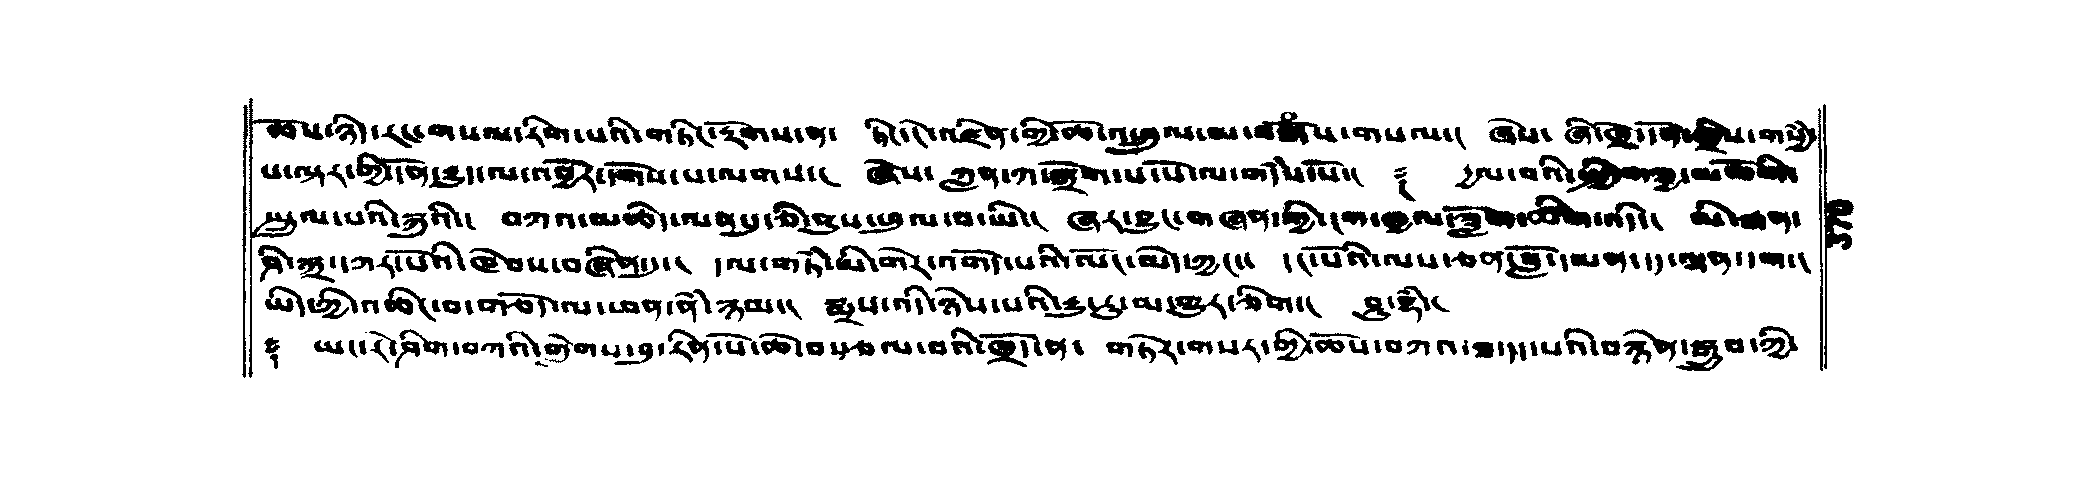ཆོས་ཉིད་རང་གསལ་རིག་པའི་གཏིང་རྟོགས་ན། །ཏིང་ངེ་འཛིན་གྱི་ཆོ་འཕྲུལ་མ་བསྒོམས་གསལ། །ཞེས་ཞི་ཁྲོ་དོན་ཁྲིས་གསུངས་
པ་ལྟར་གྱི་དོན་རྒྱུད་ལ་འབྱོར་དགོས་པ་ལགས།ཞེས་ཀླན་ཀ་སྒྲོག་པ་པོ་ལ་གདམས་སོ། ༈ རྒྱལ་བའི་སྤྱི་གཟུགས་མཆོག་གི་
སྤྲུལ་བའི་སྐུའི། །བཀའ་མཆེད་ལན་དུ་ཅི་ནུས་ཕུལ་བ་ཡི། །ཞར་བྱུང་གཞན་གྱི་ངག་འཁྱལ་ཟློག་ཚིག་འདི། །མི་རྒན་
ཤི་སྐྲ་དཀར་པོའི་ཁེབས་བཞིན་དུ། །དལ་གཏམ་ཡི་གེར་འགོད་པའི་ལོང་མེད་ཀྱང་། །དང་པོའི་ལས་ཅན་བློ་དམན་དད་ལྡན་དག་
ཡིད་ཀྱི་འཆིང་བ་གཅོད་ལ་ཕན་ནམ་སྙམ། །སྨྲས་འདི་་ཉེས་པའི་རྒྱུ་རུ་མ་གྱུར་ཅིག་ཤུ་བྷཾ། 
༈ ཡང་རེ་བཀའི་གླེགས་བུ་རིན་པོ་ཆེ་བསྩལ་བའི་ཁྲོད་ན། གཏེར་གསར་གྱི་ཆོས་བཀའ་ཐ་དད་པའི་བསྙེན་སྒྲུབ་ཀྱི་